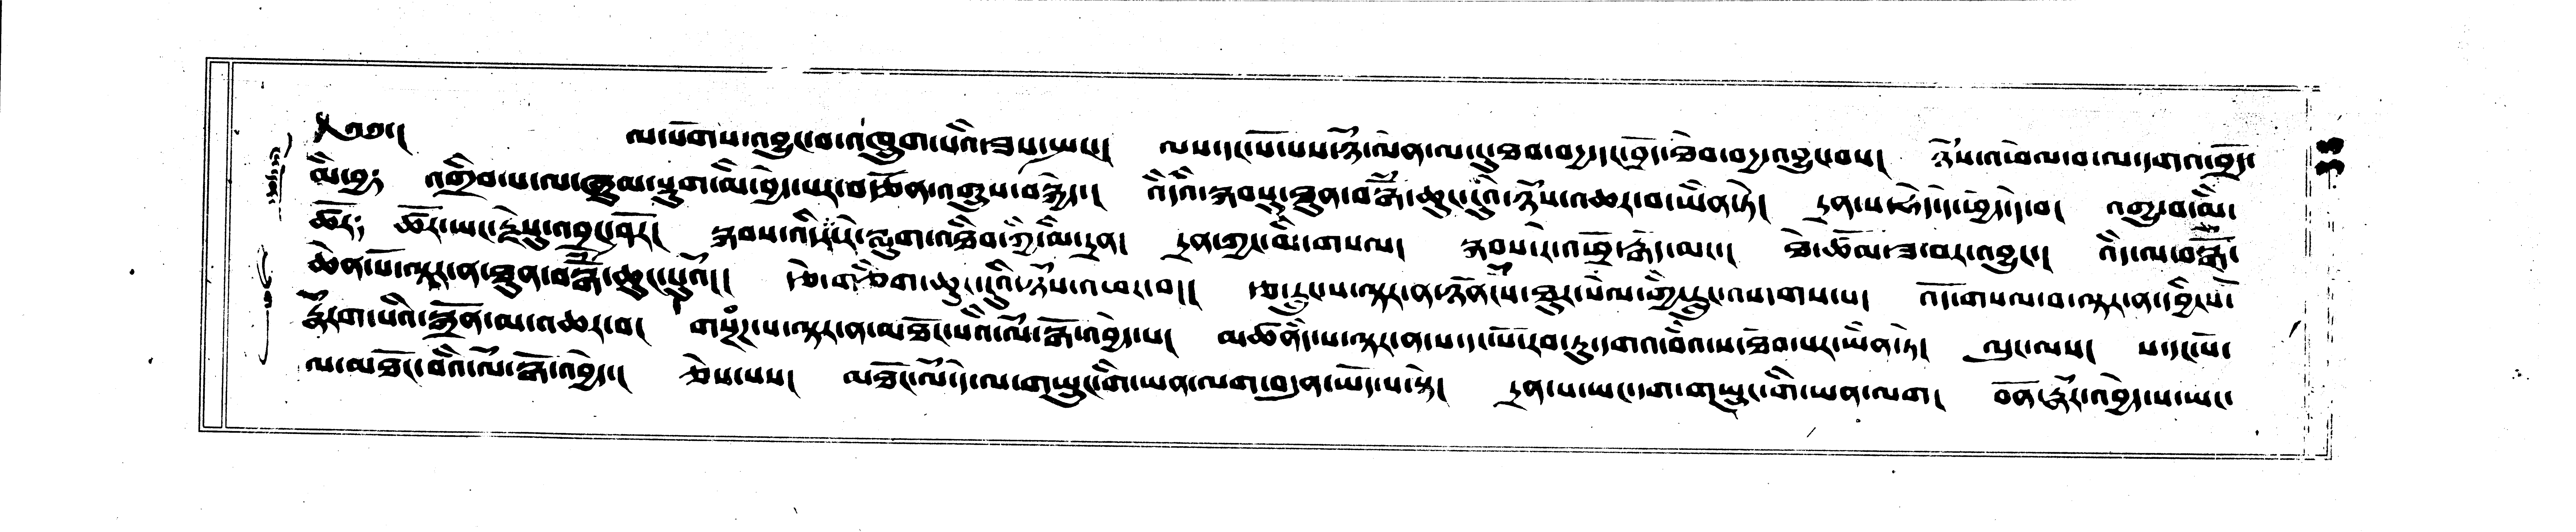ལ་སོགས་འབྱུང་བ་འཁྲུག་པའི་ཟས་སྤང་། ལས་དང་པོ་བས་ཉམས་ལེན་ལ་ངུ་ཐེབ་བརྒྱ་དང་བྲོད་ཐེབ་བརྒྱ་འབྱུང་བས། ཉམས་འཕེལ་བ་ལ་དགའ་བྲོད་
མི་བྱ། འགྲིབ་པ་ལ་ཞུམ་སྡུག་མི་བྱེད་པར་བརྩོན་འགྲུས་བསྐྱེད། འདིའི་སྐབས་སུ་ཐུན་སྒོམ་ཆུང་ངུའི་ཉམས་འཆར་བ་ཡིན་ཏེ། དྲན་པ་ཧད་དེ་ཕྱོད་དེ་བ། འགྱུ་བ་མི་
ཚོར། ཚོར་ཡང་རྗེས་སུ་འབྲང་ཤོར། སྐབས་འདི་རེ་སྨུག་འཐིབས་ཀྱིས་མི་དྲན། དྲན་ཀྱང་མི་གསལ། སྐབས་རེ་འཕྲོ་རྒོད་མང་། ཐེ་ཚོམ་ཟ་བར་འབྱུང་། འདི་ལ་སྒོམ་
ཆེན་པོ་ལྟར་ན་ཐུན་སྒོམ་ཆུང་ངུའམ། རྩེ་གཅིག་ཆུང་ངུའི་ཉམས་འཕར་བ། རྩ་རླུང་པ་ལྟར་ན་ཉོན་མོངས་ཐུར་སེལ་གྱི་རླུང་འགག་པ། འོད་གསལ་བ་ལྟར་ན་དབྱིངས་
རྣམ་པར་དག་པའི་སྒྲོན་མ་འཆར་བ། གསང་སྔགས་པ་ལྟར་ན་མཐོང་བའི་ལམ་སྒོ་འབྱེད་པ། མཚན་ཉིད་པ་ལྟར་ན་ས་དང་པོ་རབ་ཏུ་དགའ་བའི་ས་ཐོབ་པ་ཡིན་ཏེ། ལུང་ལས། ས་དང་པོ་
ལ་མཐོང་བའི་ལམ་སྒོ་འབྱེད། ཅེས་པས། མཐོང་ལམ་དེ་ལ་གཡུང་དྲུང་གི་ཡན་ལག་བདུན་ཡོད་པ་སྟེ། དྲན་པ་ཡང་དག་གཡུང་དྲུང་གི་ཡན་ལག བོན་རྣམ་པར་འབྱེད་པ་ཡང་